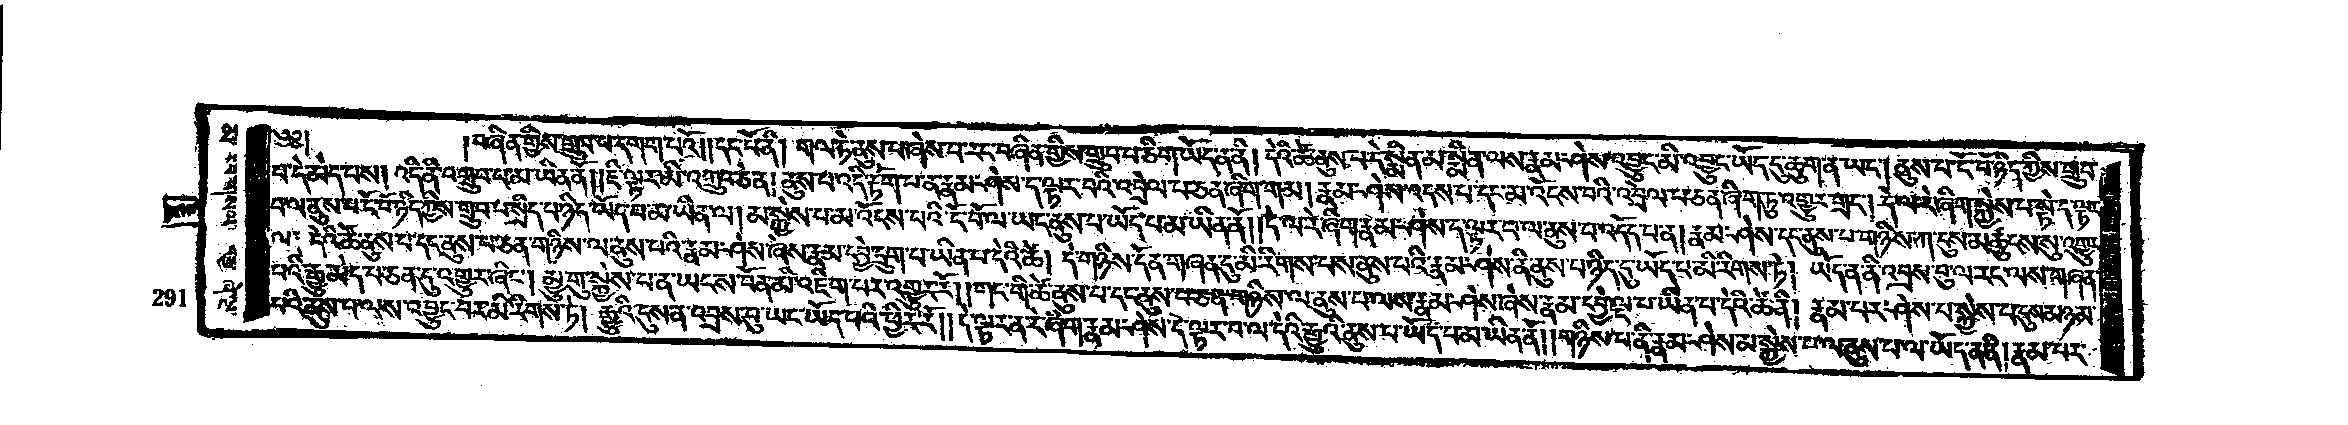༄༅། །བཞིན་གྱིས་གྲུབ་པ་དགག་པའོ། །དང་པོ་ནི། གལ་ཏེ་ནུས་པ་ཞེས་པ་རང་བཞིན་གྱིས་གྲུབ་པ་ཞིག་ཡོད་ན་ནི། དེའི་ཚེ་ནུས་པ་དེ་སྨིན་མ་སྨིན་ལས་རྣམ་ཤེས་འབྱུང་མི་འབྱུང་ཡོད་དུ་ཆུག་ན་ཡང་། ནུས་པ་ངོ་བོ་ཉིད་ཀྱིས་གྲུབ་
པ་དེ་མེད་པས། འདི་ནི་འགྲུབ་པ་མ་ཡིན་ནོ། །ཇི་ལྟར་མི་འགྲུབ་ཅེ་ན། ནུས་པ་འདི་རྟོག་པ་ན་རྣམ་ཤེས་ད་ལྟར་བའི་འབྲེལ་པ་ཅན་ཞིག་གམ། རྣམ་ཤེས་འདས་པ་དང་མ་འོངས་བའི་འབྲེལ་པ་ཅན་ཞིག་ཏུ་འགྱུར་གྲང་། དེ་ལ་རེ་ཞིག་སྐྱེས་པ་སྟེ་ད་ལྟར་
བ་ལ་ནུས་པ་ངོ་བོ་ཉིད་ཀྱིས་གྲུབ་པ་སྲིད་པ་ཉིད་ཡོད་པ་མ་ཡིན་ལ། མ་སྐྱེས་པ་མ་འོངས་པའི་ངོ་བོ་ལ་ཡང་ནུས་པ་ཡོད་པ་མ་ཡིན་ནོ། །དེ་ལ་རེ་ཞིག་རྣམ་ཤེས་ད་ལྟར་བ་ལ་ནུས་པ་འདོད་པ་ན། རྣམ་ཤེས་དང་ནུས་པ་གཉིས་ཀ་དུས་མཚུངས་སུ་འགྱུར་
ལ། དེའི་ཚེ་ནུས་པ་དང་ནུས་པ་ཅན་གཉིས་ལ་ནུས་པའི་རྣམ་ཤེས་ཞེས་རྣམ་དབྱེ་དྲུག་པ་ཡིན་པ་དེའི་ཚེ། དེ་གཉིས་དོན་གཞན་དུ་མི་རིགས་པས་ནུས་པའི་རྣམ་ཤེས་ནི་ནུས་པ་ཉིད་དུ་ཡོད་པ་མི་རིགས་ཏེ། ཡོད་ན་ནི་འབྲས་བུ་ལ་རང་ལས་གཞན་
པའི་རྒྱུ་མེད་པ་ཅན་དུ་འགྱུར་ཞིང་། མྱུ་གུ་སྐྱེས་པ་ན་ཡང་ས་བོན་མི་འཇིག་པར་འགྱུར་རོ། །གང་གི་ཚེ་ནུས་པ་དང་ནུས་པ་ཅན་གཉིས་ལ་ནུས་པ་ལས་རྣམ་ཤེས་ཞེས་རྣམ་དབྱེ་ལྔ་པ་ཡིན་པ་དེའི་ཚེ་ནི། རྣམ་པར་ཤེས་པ་སྐྱེས་པ་དུས་མཉམ་
པའི་ནུས་པ་ལས་འབྱུང་བར་མི་རིགས་ཏེ། རྒྱུའི་དུས་ན་འབྲས་བུ་ཡང་ཡོད་པའི་ཕྱིར་རོ། །དེ་ལྟར་ན་རེ་ཞིག་རྣམ་ཤེས་ད་ལྟར་བ་ལ་དེའི་རྒྱུའི་ནུས་པ་ཡོད་པ་མ་ཡིན་ནོ། །གཉིས་པ་ནི་རྣམ་ཤེས་མ་སྐྱེས་པ་ལ་ནུས་པ་ཡོད་ན་ནི། རྣམ་པར་